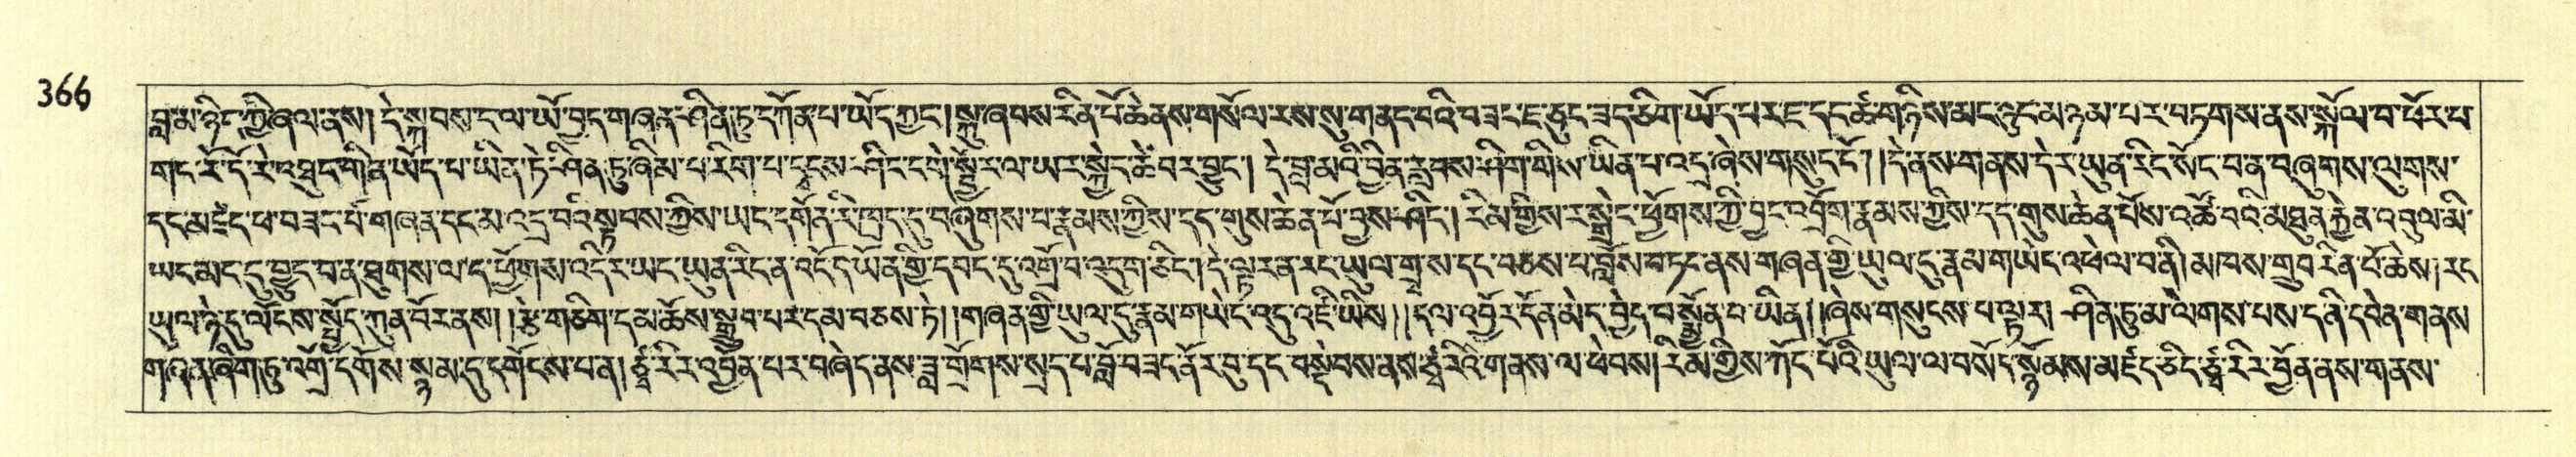བླ་མ་ཉིད་ཀྱི་ཞལ་ནས། དེ་སྐབས་ང་ལ་ཡོ་བྱད་གཞན་ཤིན་ཏུ་དཀོན་པ་ཡོད་ཀྱང་། སྐུ་ཞབས་རིན་པོ་ཆེ་ནས་གསོལ་རས་སུ་གནང་བའི་བཟང་ཇ་ཅུང་ཟད་ཅིག་ཡོད་པར་ཇ་དང་ཚ་གཉིས་མང་ཉུང་མཉམ་པར་བཏགས་ནས་སྐོལ་བ་ཕོར་པ་
གང་རོ་དོ་རེ་འཐུང་གི་ན་ཡོད་པ་ཡིན་ཏེ་ཤིན་ཏུ་ཞིམ་པ་རིག་པ་དྭངས་ཤིང་དགེ་སྦྱོར་ལ་ཡར་སྐྱེད་ཚེ་བར་བྱུང་། དེ་བླ་མའི་བྱིན་རླབས་ཤིག་གིས་ཡིན་པ་འདྲ་ཞེས་གསུང་ངོ། །དེ་ནས་གནས་དེར་ཡུན་རིང་སོང་བ་ན་བཞུགས་ལུགས་
དང་མཛད་ཕ་བཟང་པོ་གཞན་དང་མ་འདྲ་བའི་སྟབས་ཀྱིས་ཡང་དགོན་རི་ཁྲད་དུ་བཞུགས་པ་རྣམས་ཀྱིས་དད་གུས་ཆེན་པོ་བྱས་ཤིང་། རིམ་གྱིས་ར་སྒྲེང་ཕྱོགས་ཀྱི་བྱང་འབྲོག་རྣམས་ཀྱིས་དད་གུས་ཆེན་པོས་འཚོ་བའི་མཐུན་རྐྱེན་འབུལ་མི་
ཡང་མང་དུ་བྱུང་བ་ན་ཐུགས་ལ་ད་ཕྱོགས་འདིར་ཡང་ཡུན་རིང་ན་འདོད་ཡོན་གྱི་དབང་དུ་འགྲོ་བ་འདུག་ཅིང་། དེ་ལྟར་ན་རང་ཡུལ་གྲྭ་ས་དང་བཅས་པ་བློས་བཏང་ནས་གཞན་གྱི་ཡུལ་དུ་རྣམ་གཡེང་འཕེལ་བ་ནི། མཁས་གྲུབ་རིན་པོ་ཆེས། རང་
ཡུལ་ཉེ་དུ་ལོངས་སྤྱོད་ཀུན་བོར་ནས། །རྩེ་གཅིག་དམ་ཆོས་སྒྲུབ་པར་དམ་བཅས་ཏེ། །གཞན་གྱི་ཡུལ་དུ་རྣམ་གཡེང་འདུ་འཛི་ཡིས། །དལ་འབྱོར་དོན་མེད་བྱེད་བ་སྨྱོན་པ་ཡིན། །ཞེས་གསུངས་པ་ལྟར། ཤིན་ཏུ་མ་ལེགས་པས་ད་ནི་དབེན་གནས་
གཞན་ཞིག་ཏུ་འགྲོ་དགོས་སྙམ་དུ་དགོངས་པ་ན། ཙྭ་རིར་འབྱོན་པར་བཞེད་ནས་ཟླ་གྲོགས་སྲད་པ་བློ་བཟང་ནོར་བུ་དང་བསྡེབས་ནས་ཙྭ་རིའི་གནས་ལ་ཕེབས། རིམ་གྱིས་ཀོང་པོའི་ཡུལ་ལ་བསོད་སྙོམས་མཛད་ཅིང་ཙྭ་རིར་བྱོན་ནས་གནས་